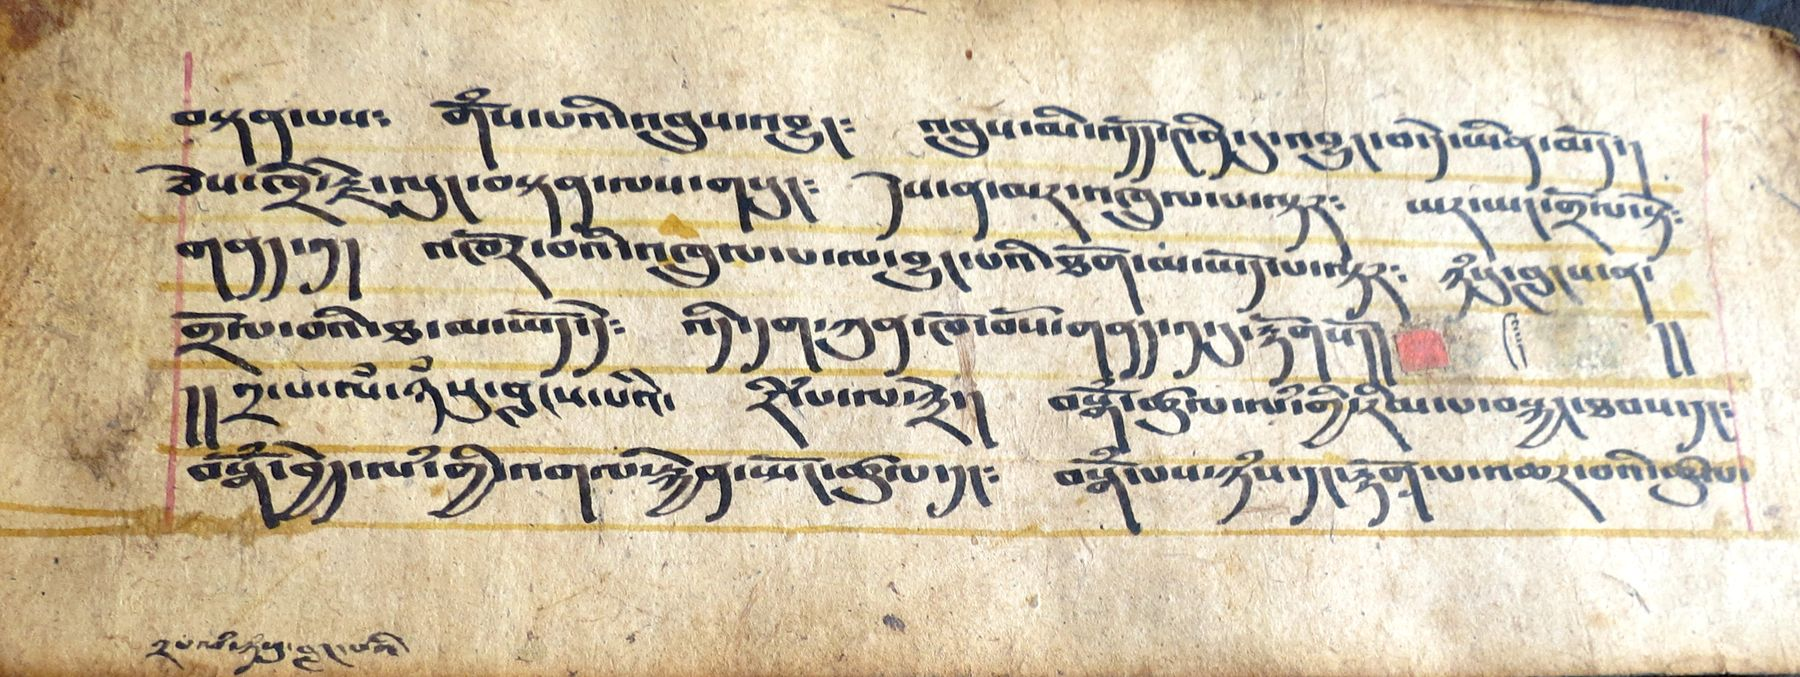བརྟན་པས་གོམས་པའི་འབྲས་བུ་འབྱུང་། འབྲས་བུ་མི་འདོད་བཞིན་དུ་འབྱུང་བ་དེ་ཡིན་མོད། 
ཅེས་ཁྲི་རྗེ་ལུང་བསྟན་ལས་གསུངས། དེ་ལ་མར་འཁྲུལ་པ་ལྟར། ཡང་ཡང་གྲོལ་ཏེ་
གནད་གཅིག འཁོར་བའི་འཁྲུལ་པ་ལ་བྱུང་བའི་ཐོག་མ་ཡོད་པ་ལྟར། ཉམས་སུ་བླང་ན་
གྲོལ་བའི་ཐ་མ་ཡོད་དེ། འདི་དག་ཀུན་ཁོ་བོས་གནད་གཅིག་པར་རྟོགས་སོ། ། 
གཉིས་པ་ལམ་ཉམས་སུ་བླང་བའི་རིམ་པ་ལ་གསུམ་ཏེ། སྒོམ་ཚུལ་ལམ་གྱི་རིམ་པ་བསྐྱང་ཐབས་དང་། 
སྒོམ་བྱེད་ལམ་གྱི་འགལ་རྐྱེན་སྤོང་ཚུལ་དང་། བསྒོམ་པའི་ཉམས་དང་རྟོགས་པ་འཆར་བའི་ཚུལ་